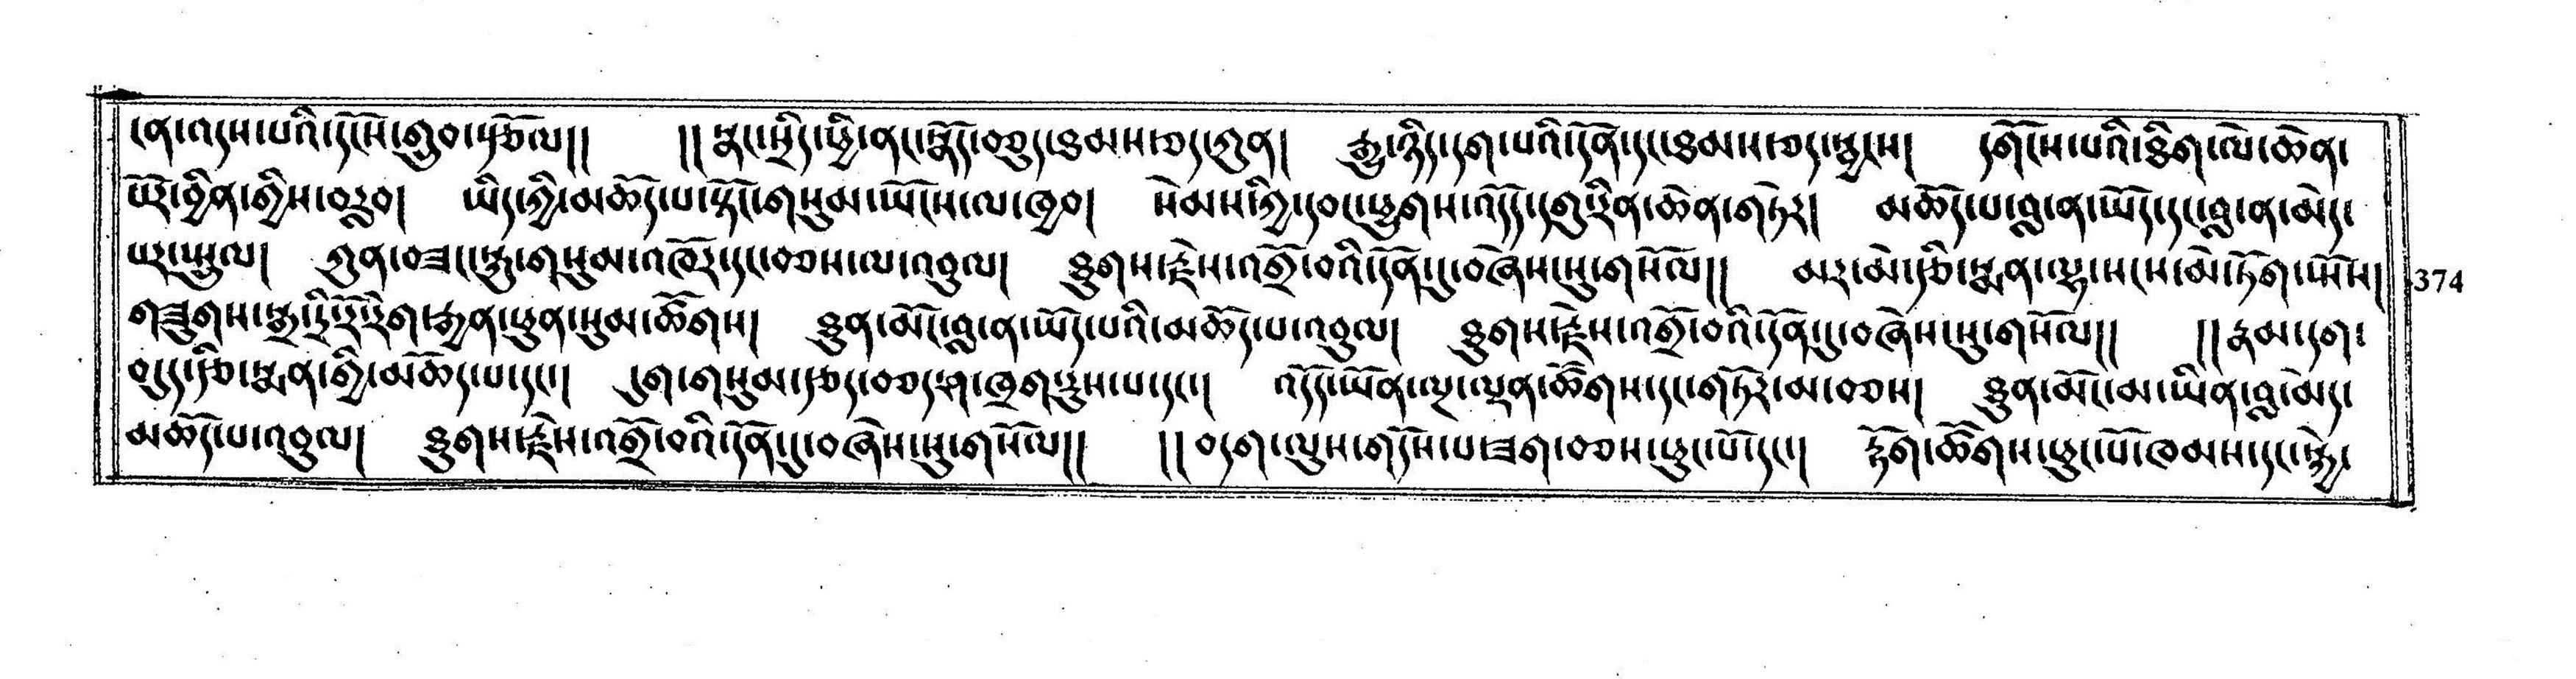ངན་འདས་པའི་དངོས་གྲུབ་སྩོལ།། །།སྣང་སྲིད་ཕྱི་ནང་སྣོད་བཅུད་ཐམས་ཅད་ཀུན། རྒྱུ་ཉིད་དག་པའི་དོན་དང་ཐམས་ཅད་སྦྱངས། དགོངས་པའི་ཐིག་ལེ་ཆེན་
པོར་བྱིན་གྱིས་བརླབ། ཡིད་ཀྱི་མཆོད་པ་སྟོང་གསུམ་ཡོངས་ལ་ཁྱབ། སེམས་ཀྱི་དབང་ཕྱུགས་འདོད་དགུ་རིན་ཆེན་གཏེར། མཆོད་པ་བླ་ན་ཡོད་དང་བླ་ན་མེད་
པར་སྤྲུལ། ཀུན་བཟང་སྐུ་གསུམ་འཁོར་དང་བཅས་ལ་འབུལ། ཐུགས་རྗེས་འགྲོ་བའི་དོན་དུ་བཞེས་སུ་གསོལ།། མར་མེ་རྩི་སྨན་ལྷ་སངས་མེ་ཏོག་སྤོས། 
གཟུགས་སྒྲ་དྲི་རོ་རེག་རྒྱན་ཕུན་སུམ་ཚོགས། ཐུན་མོང་བླ་ན་ཡོད་པའི་མཆོད་པ་འབུལ། ཐུགས་རྗེས་འགྲོ་བའི་དོན་དུ་བཞེས་སུ་གསོལ།། །རྣམ་དག་
བདུད་རྩི་སྨན་གྱི་མཆོད་པ་དང་། དུག་གསུམ་རྩད་བཅད་ཤ་ཁྲག་རུས་པ་དང་། འདོད་ཡོན་ལྔ་ལྡན་ཚོགས་དང་གཏོར་མ་བཅས། ཐུན་མོང་མ་ཡིན་བླ་མེད་
མཆོད་པ་འབུལ། ཐུགས་རྗེས་འགྲོ་བའི་དོན་དུ་བཞེས་སུ་གསོལ།། །།བདག་ལུས་གདོས་པ་ཟག་བཅས་ཕུང་པོ་དང་། རྟོག་ཚོགས་ཕུང་པོ་ཁམས་དང་སྐྱེ་